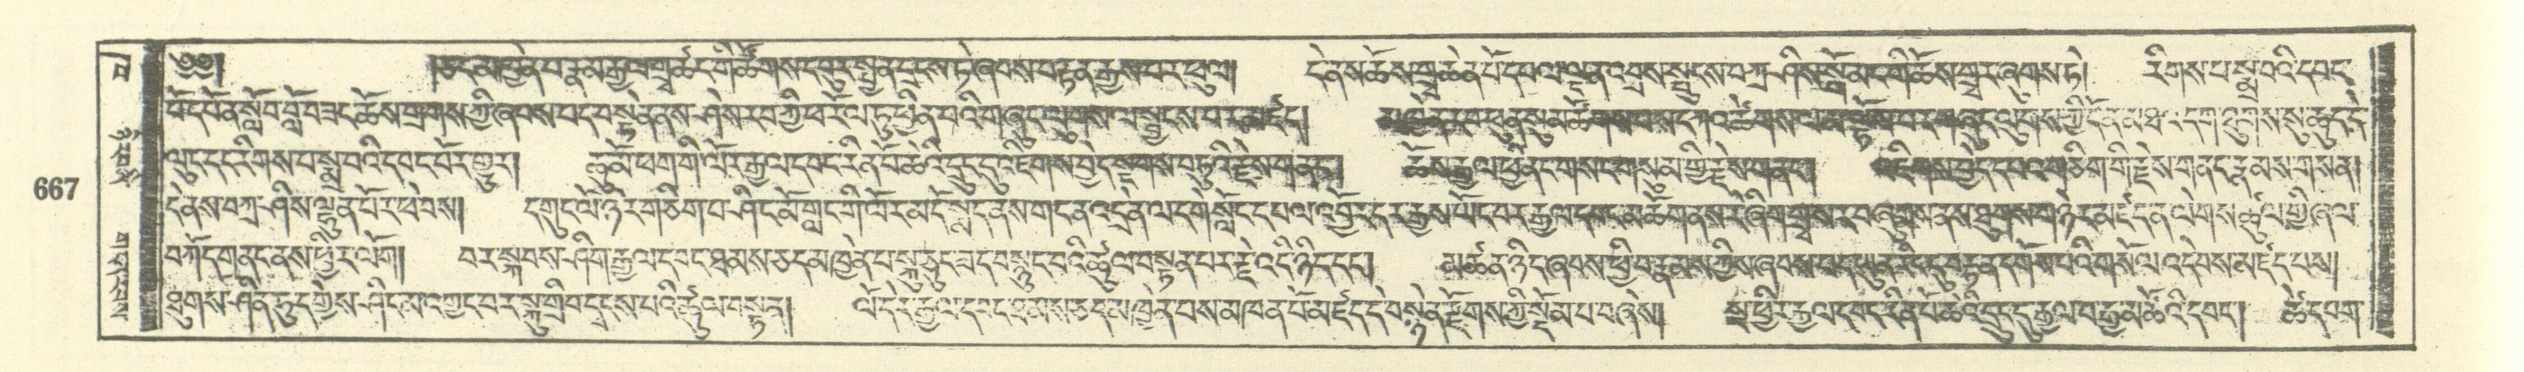༄༅། །ཅད་མཁྱེན་པ་རྣམ་རྒྱལ་གྲྭ་ཚང་གི་ཚོགས་དབུར་སྤྱན་དྲངས་ཏེ་ཞབས་བརྟན་རྒྱས་པར་ཕུལ། དེ་ནས་ཆོས་གྲྭ་ཆེན་པོ་དཔལ་ལྡན་འབྲས་སྤུངས་བཀྲ་ཤིས་སྒོ་མང་གི་ཆོས་གྲྭར་ཞུགས་ཏེ། རིགས་པ་སྨྲ་བའི་དབང་
པོ་དཔོན་སློབ་བློ་བཟང་ཆོས་གྲགས་ཀྱི་ཞབས་པད་བསྟེན་ནས་ཤེས་རབ་ཀྱི་ཕ་རོལ་ཏུ་ཕྱིན་པའི་གཞུང་ལུགས་ལ་སྦྱངས་པར་མཛད། མཁྱེན་རབ་ཕུན་སུམ་ཚོགས་པས་དཀའ་ཚེགས་ལམ་ལྟོས་པར་གཞུང་ལུགས་ཀྱི་དོན་མཐའ་དག་ཐུགས་སུ་ཆུད་དེ་
ལུང་དང་རིགས་པ་སྨྲ་བའི་དབང་པོར་གྱུར། ཆུ་མོ་ཕག་གི་ལོར་རྒྱལ་དབང་རིན་པོ་ཆེའི་དྲུང་དུ་འཇིགས་བྱེད་སྔགས་བཏུའི་རྗེས་གནང་། ཆོས་རྒྱལ་ཕྱི་ནང་གསང་གསུམ་གྱི་རྗེས་གནང་། འཇིགས་བྱེད་དཔའ་གཅིག་གི་རྗེས་གནང་རྣམས་གསན།
དེ་ནས་བཀྲ་ཤིས་ལྷུན་པོར་ཕེབས། དགུང་ལོ་ཉེར་གཅིག་པ་ཤིང་མོ་གླང་གི་ལོར་མདོ་སྨད་ནས་གདན་འདྲེན་ལ་དགེ་སློང་དཔལ་འབྱོར་དར་རྒྱས་ཡོང་བར་རྒྱལ་དབང་མཆོག་ནས་རེ་ཞིག་གྲྭ་སར་བཞུགས་ནས་ཐུགས་གཉེར་མཛད་ན་ལེགས་ཚུལ་གྱི་ཞལ་
བཀོད་གནང་ནས་ཕྱིར་ལོག། བར་སྐབས་ཤིག་རྒྱལ་དབང་ཐམས་ཅད་མཁྱེན་པ་སྐུ་ཅུང་ཟད་བསྙུང་བའི་ཚུལ་བསྟན་པར་རྗེ་འདི་ཉིད་དང་། མཚན་ཉིད་ཞབས་ཕྱི་བ་རྣམས་ཀྱིས་ཞབས་པད་ཡུན་རིང་དུ་བརྟན་དགོས་པའི་གསོལ་འདེབས་མཛད་པས།
ཐུགས་ཤིན་ཏུ་དགྱེས་ཤིང་མ་འགྱང་བར་སྐུ་གྲིབ་དྭངས་པའི་ཚུལ་བསྟན། ལོ་དེར་རྒྱལ་དབང་ཐམས་ཅད་མཁྱེན་པས་མཁན་པོ་མཛད་དེ་བསྙེན་རྫོགས་ཀྱི་སྡོམ་པ་བཞེས། སྔ་ཕྱིར་རྒྱལ་དབང་རིན་པོ་ཆེའི་དྲུང་དུ་རྒྱལ་བ་རྒྱ་མཚོའི་དབང་། ཚེ་དཔག་